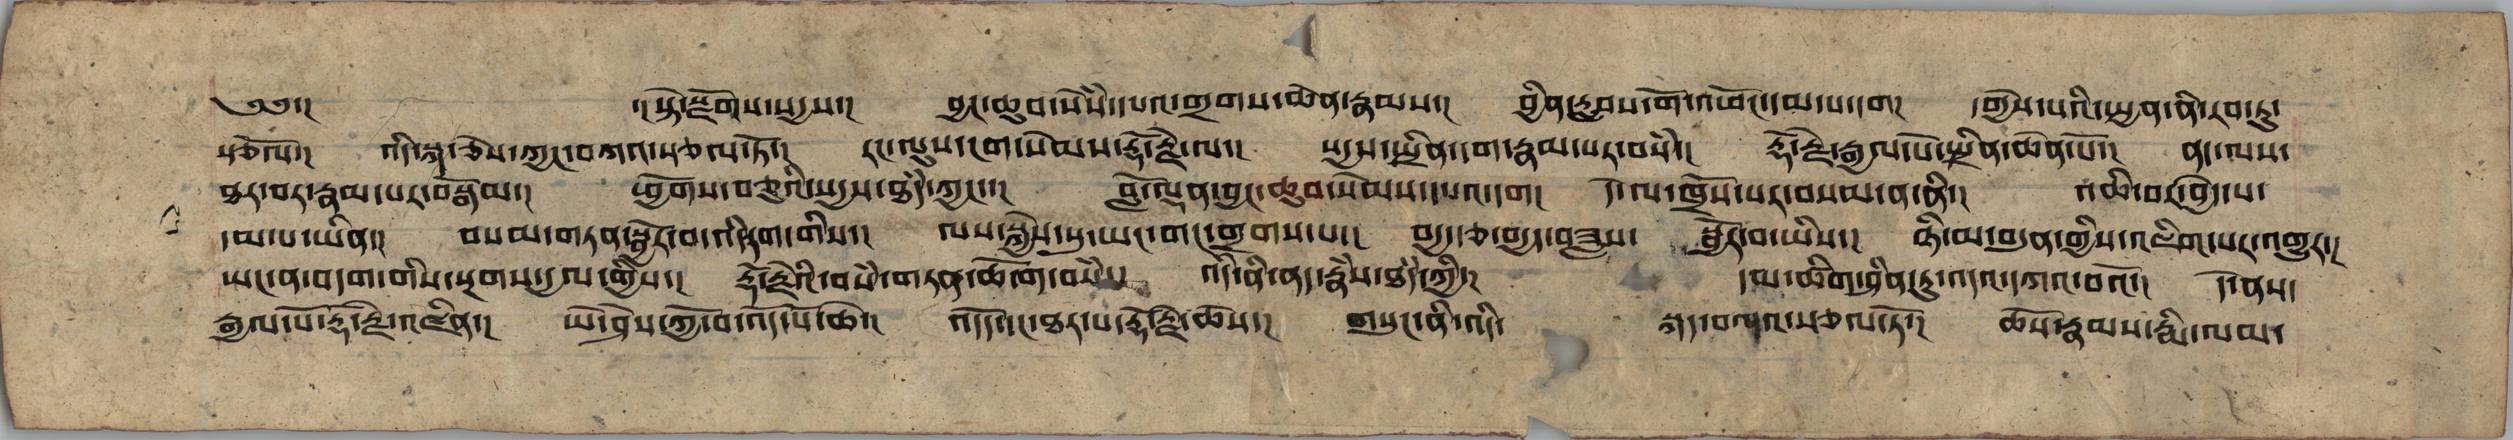༄༅་། ་།སྟེ་སྫོགས་སདྱས་། བྱང་ཆུབ་སེཾས་དཔའ་གྲགས་ཆེན་རྣམས་། བྱིན་རླབས་གོ་འཕོང་དམ་པ་དག། དགྱེས་པའི་སྤྱན་ནི་རབ་ཏུ་
སྩོལ་། འདི་སྐད་ཅེས་ཀྱང་བཀའ་སྩལ་ཏོ་། རང་ལུས་ངག་སེམས་རྡོ་རྗེ་ལ་། སདྱས་སྤྲིན་དག་རྣམ་པར་བསཾ་། རྡོ་རྗེ་རྒྱལ་པོ་སྤྲིན་ཆེན་པོ་། ནད་ལས་
ཐར་བར་རྣམ་པར་བསྒོམ་། ཕྱོགས་བཅུའི་སདྱས་ཐཾད་ཀྱང་་། བློ་ལྡན་བྱང་ཆུབ་སེམས་དཔའ་དག། དེ་ལ་ཁྲོས་པར་བསམ་ན་ནི་། འཆི་བར་བྱེད་པ་
དམ་པ་ཡིན་། བསམ་གཏན་སྦྱོར་བ་འདིདག་གིས་། ལས་སྐྱེས་སུ་ཡང་གང་གྲགས་པ་། བདྱད་རྩ་བདྱད་བཟླས་ སྦྱོར་བ་ཡིས་། ཉི་མ་བདུན་གྱིས་འཇིག་པར་འགྱུར་།
ཡང་ན་བདག་གིས་སྔགས་དྱལ་གྱིས་། རྡོ་རྗེའི་བསཾ་གཏན་ཆོ་ག་བསཾ་། འདི་ནི་ནད་རྣཾས་ཐཾད་ཀྱི་། དམ་ཚིག་ཤིན་ཏུ་འདའ་དཀའ་བའོ་། དེ་ནས་
རྒྱལ་པོ་རྡོ་རྗེ་འཛིན་། ཡེ་ཤེས་ཀྱོ་བ་འོད་པོ་ཆེ་། འདོད་དང་ཐར་པ་རྡོ་རྗེ་ཆོས་། གསུང་ནི་འདི་ སྐད་བཀའ་སྩལ་ཏོ་། ཆོས་རྣམས་རྨི་ལམ་